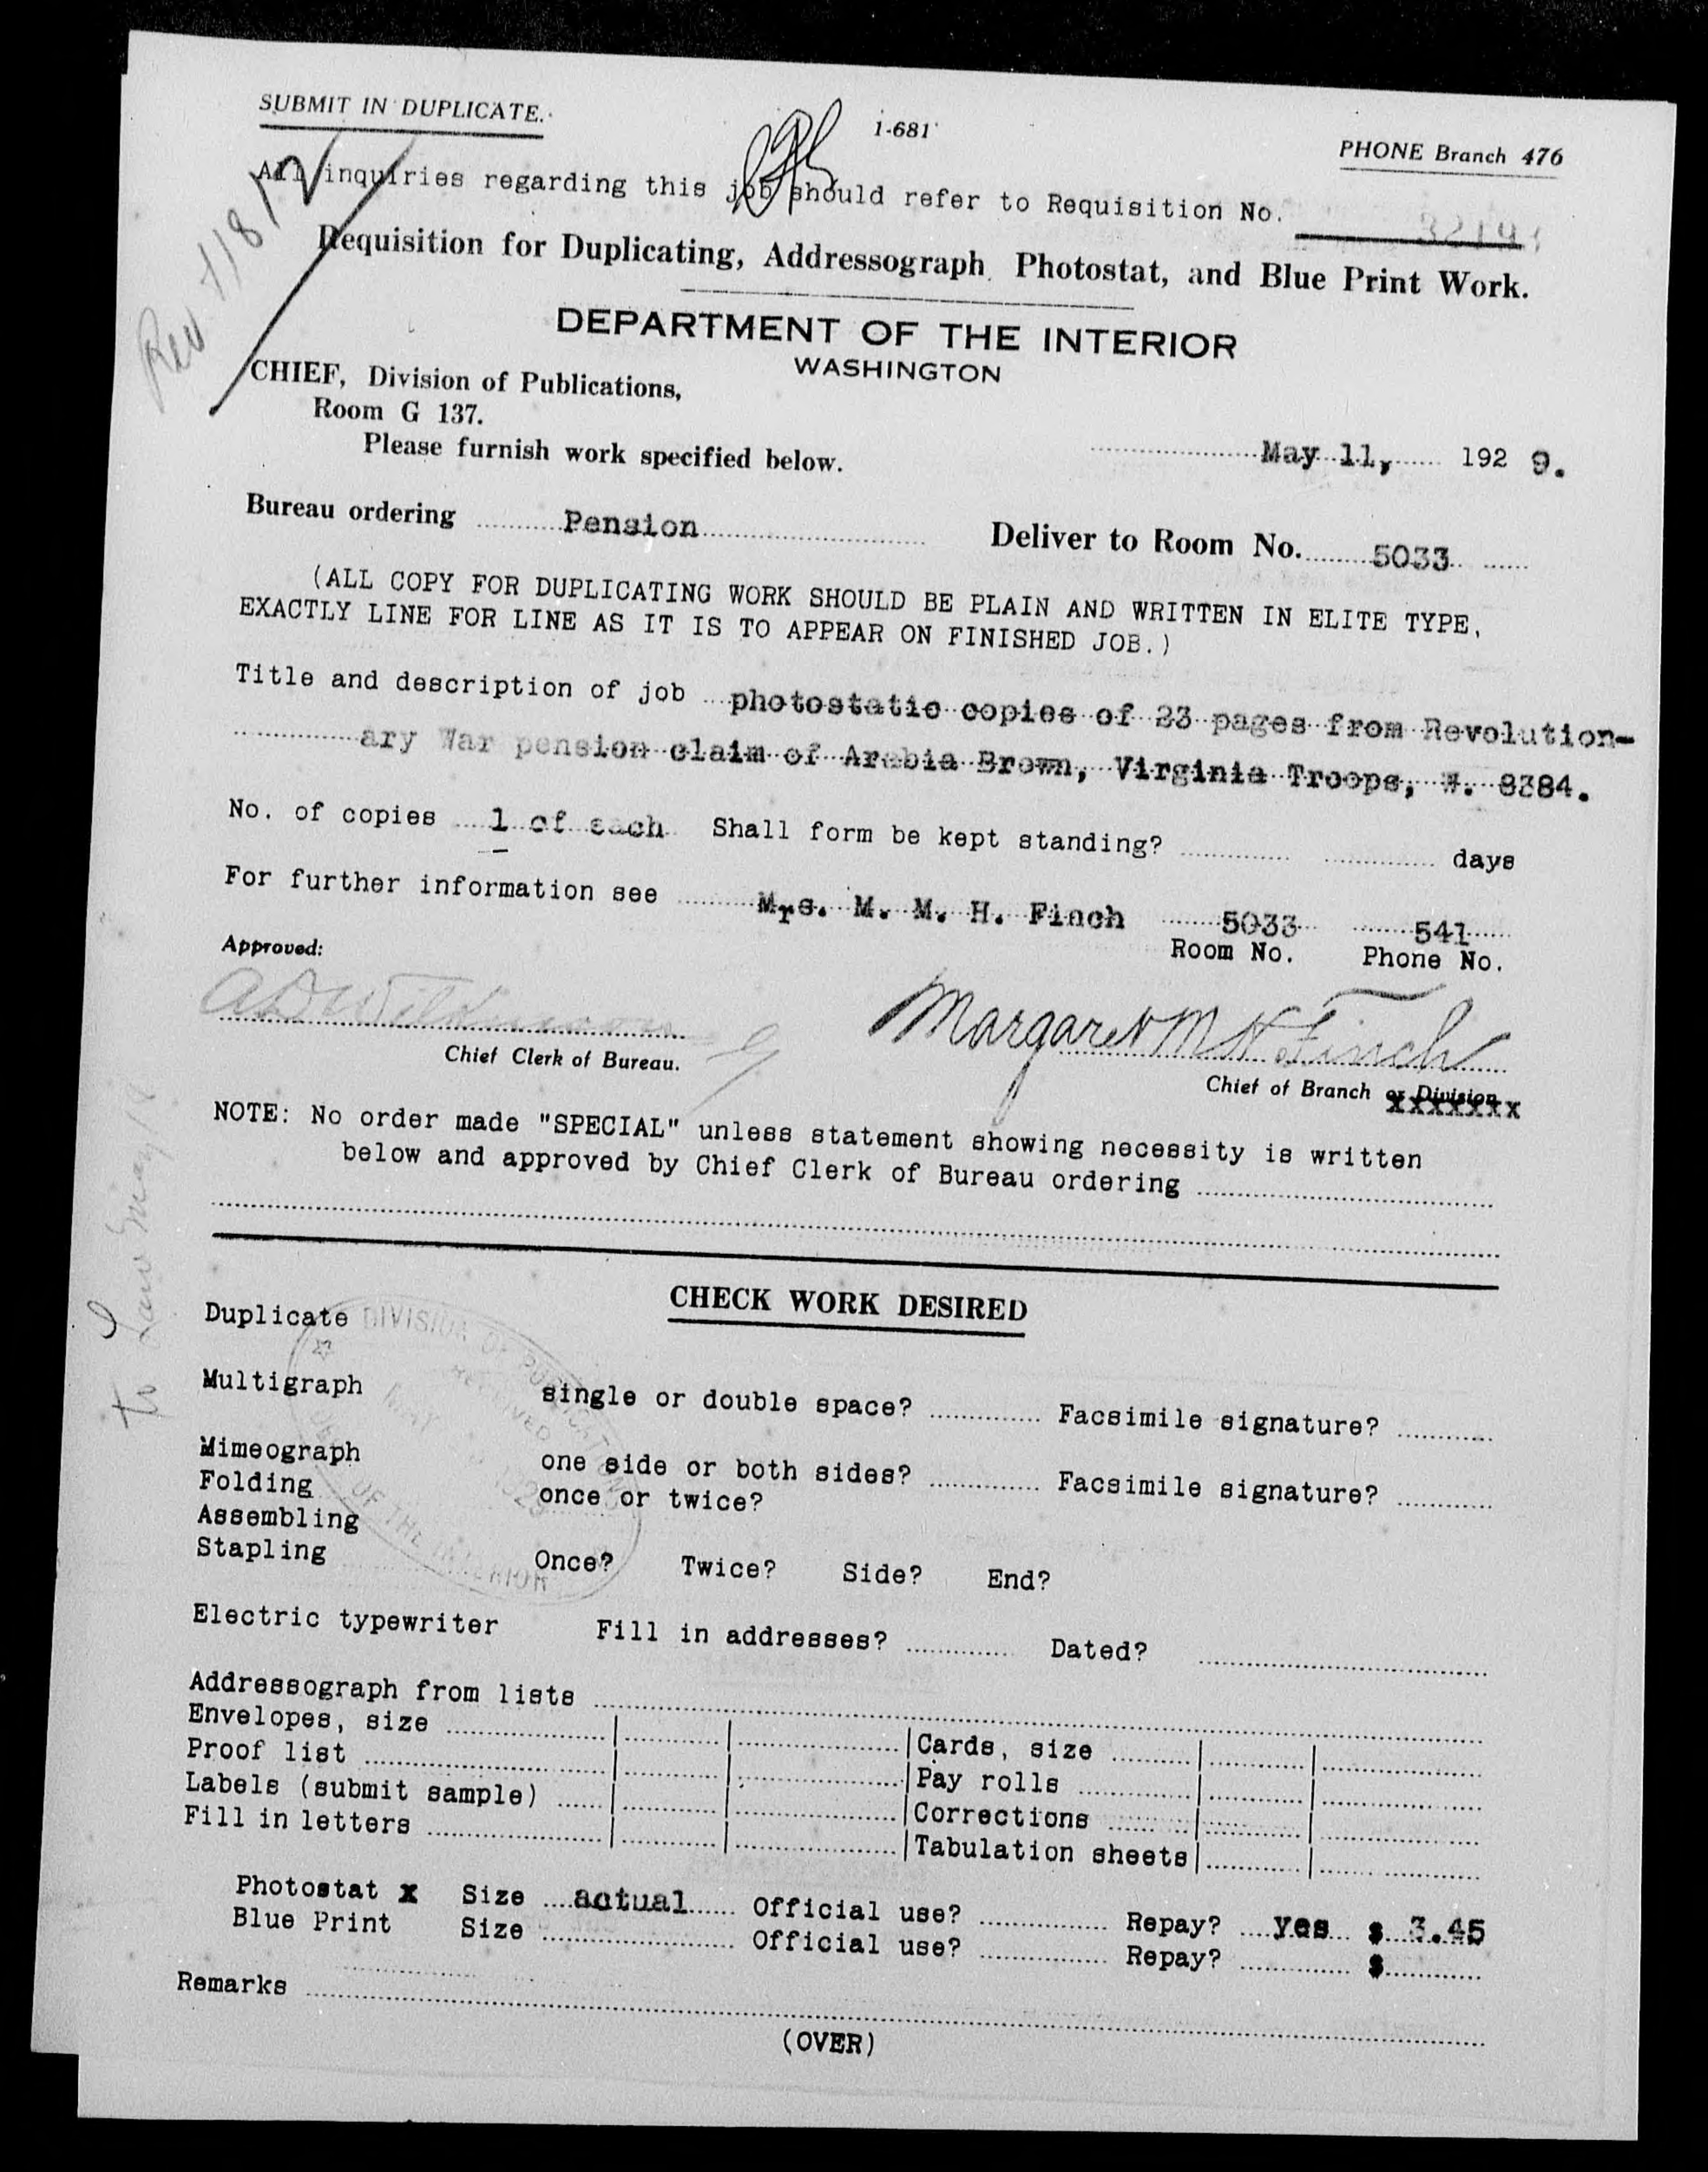1-681
phone branch 476
Submit in Duplicate

All inquires regarding this job should refer to Requisition No.  32193

Hand Written:  Rev #1812
Intials:  CRS  (unreadable)
Hand Written on Left margin:  to Law May 18
Stamp in middle of page:  Division of Publications Received May____ 1929
Office of the Interior


DEPARTMENT OF THE INTERIOR
WASHINGTON
CHIEF, Division of Publications,
Room G 137
May 11, 1929

Please furnish work specified below.

Bureau ordering Pension. Deliver to Room No. 5033

(ALL COPY FOR DUPLICATING WORK SHOULD BE PLAIN AND WRITTEN IN ELITE TYPE.
EXACTLY LINE FOR LINE AS IT IS TO APPEAR ON FINISHED JOB.)

Title and description of job photostatic copies of 23 pages from Revolution-
ary War pension claim for Arabia Brown, Virginia Troops, W. 8384.

No. of copies 1 of each   Shall form be kept stand?   _______    ______ days

For further information see. Mrs. M.M. H. Finch
Room No. 5033 Phone no. 541

Approved:
AD Wild________
Chief Clerk of Bureau

Margaret M. H. Finch
Chief of Branch

NOTE: No order made ""SPECIAL" unless statement showing necessity is written
blow and approved by Chief Clerk of Bureau ordering ___________________________
___________________________________

CHECK WORK DESIRED
Duplicate
Multigraph single or double space? --- Facsimile signature?---
Mimeograph one side or both sides? ---
Facsimile signature?---
Folding one or twice?
Assembling
Stapling  Once?  Twice?  Side?  End?
Electric typewriter Fill in addresses?---  Dated?---
Addressograph from lists____________
Envelopes, size---- ---- ---Cards, size -----
Proof list ---- ---- ----  Pay rolls --- ----
Labels (submit sample) --- --- Corrections --- -
Fill in letters --- --- --- Tabulations sheets --- -
Photostat X Size actual  --- Official use?  Repay?  yes. $3.45
Blue Print size---Official use?
Repay--- $------
Remarks
(OVER)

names: M M H Finch, Arabia Brown, Margaret M H Finch, A D Wilkinson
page: 30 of 65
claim: widow's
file: W. 8384, Arabia Brown, Va.